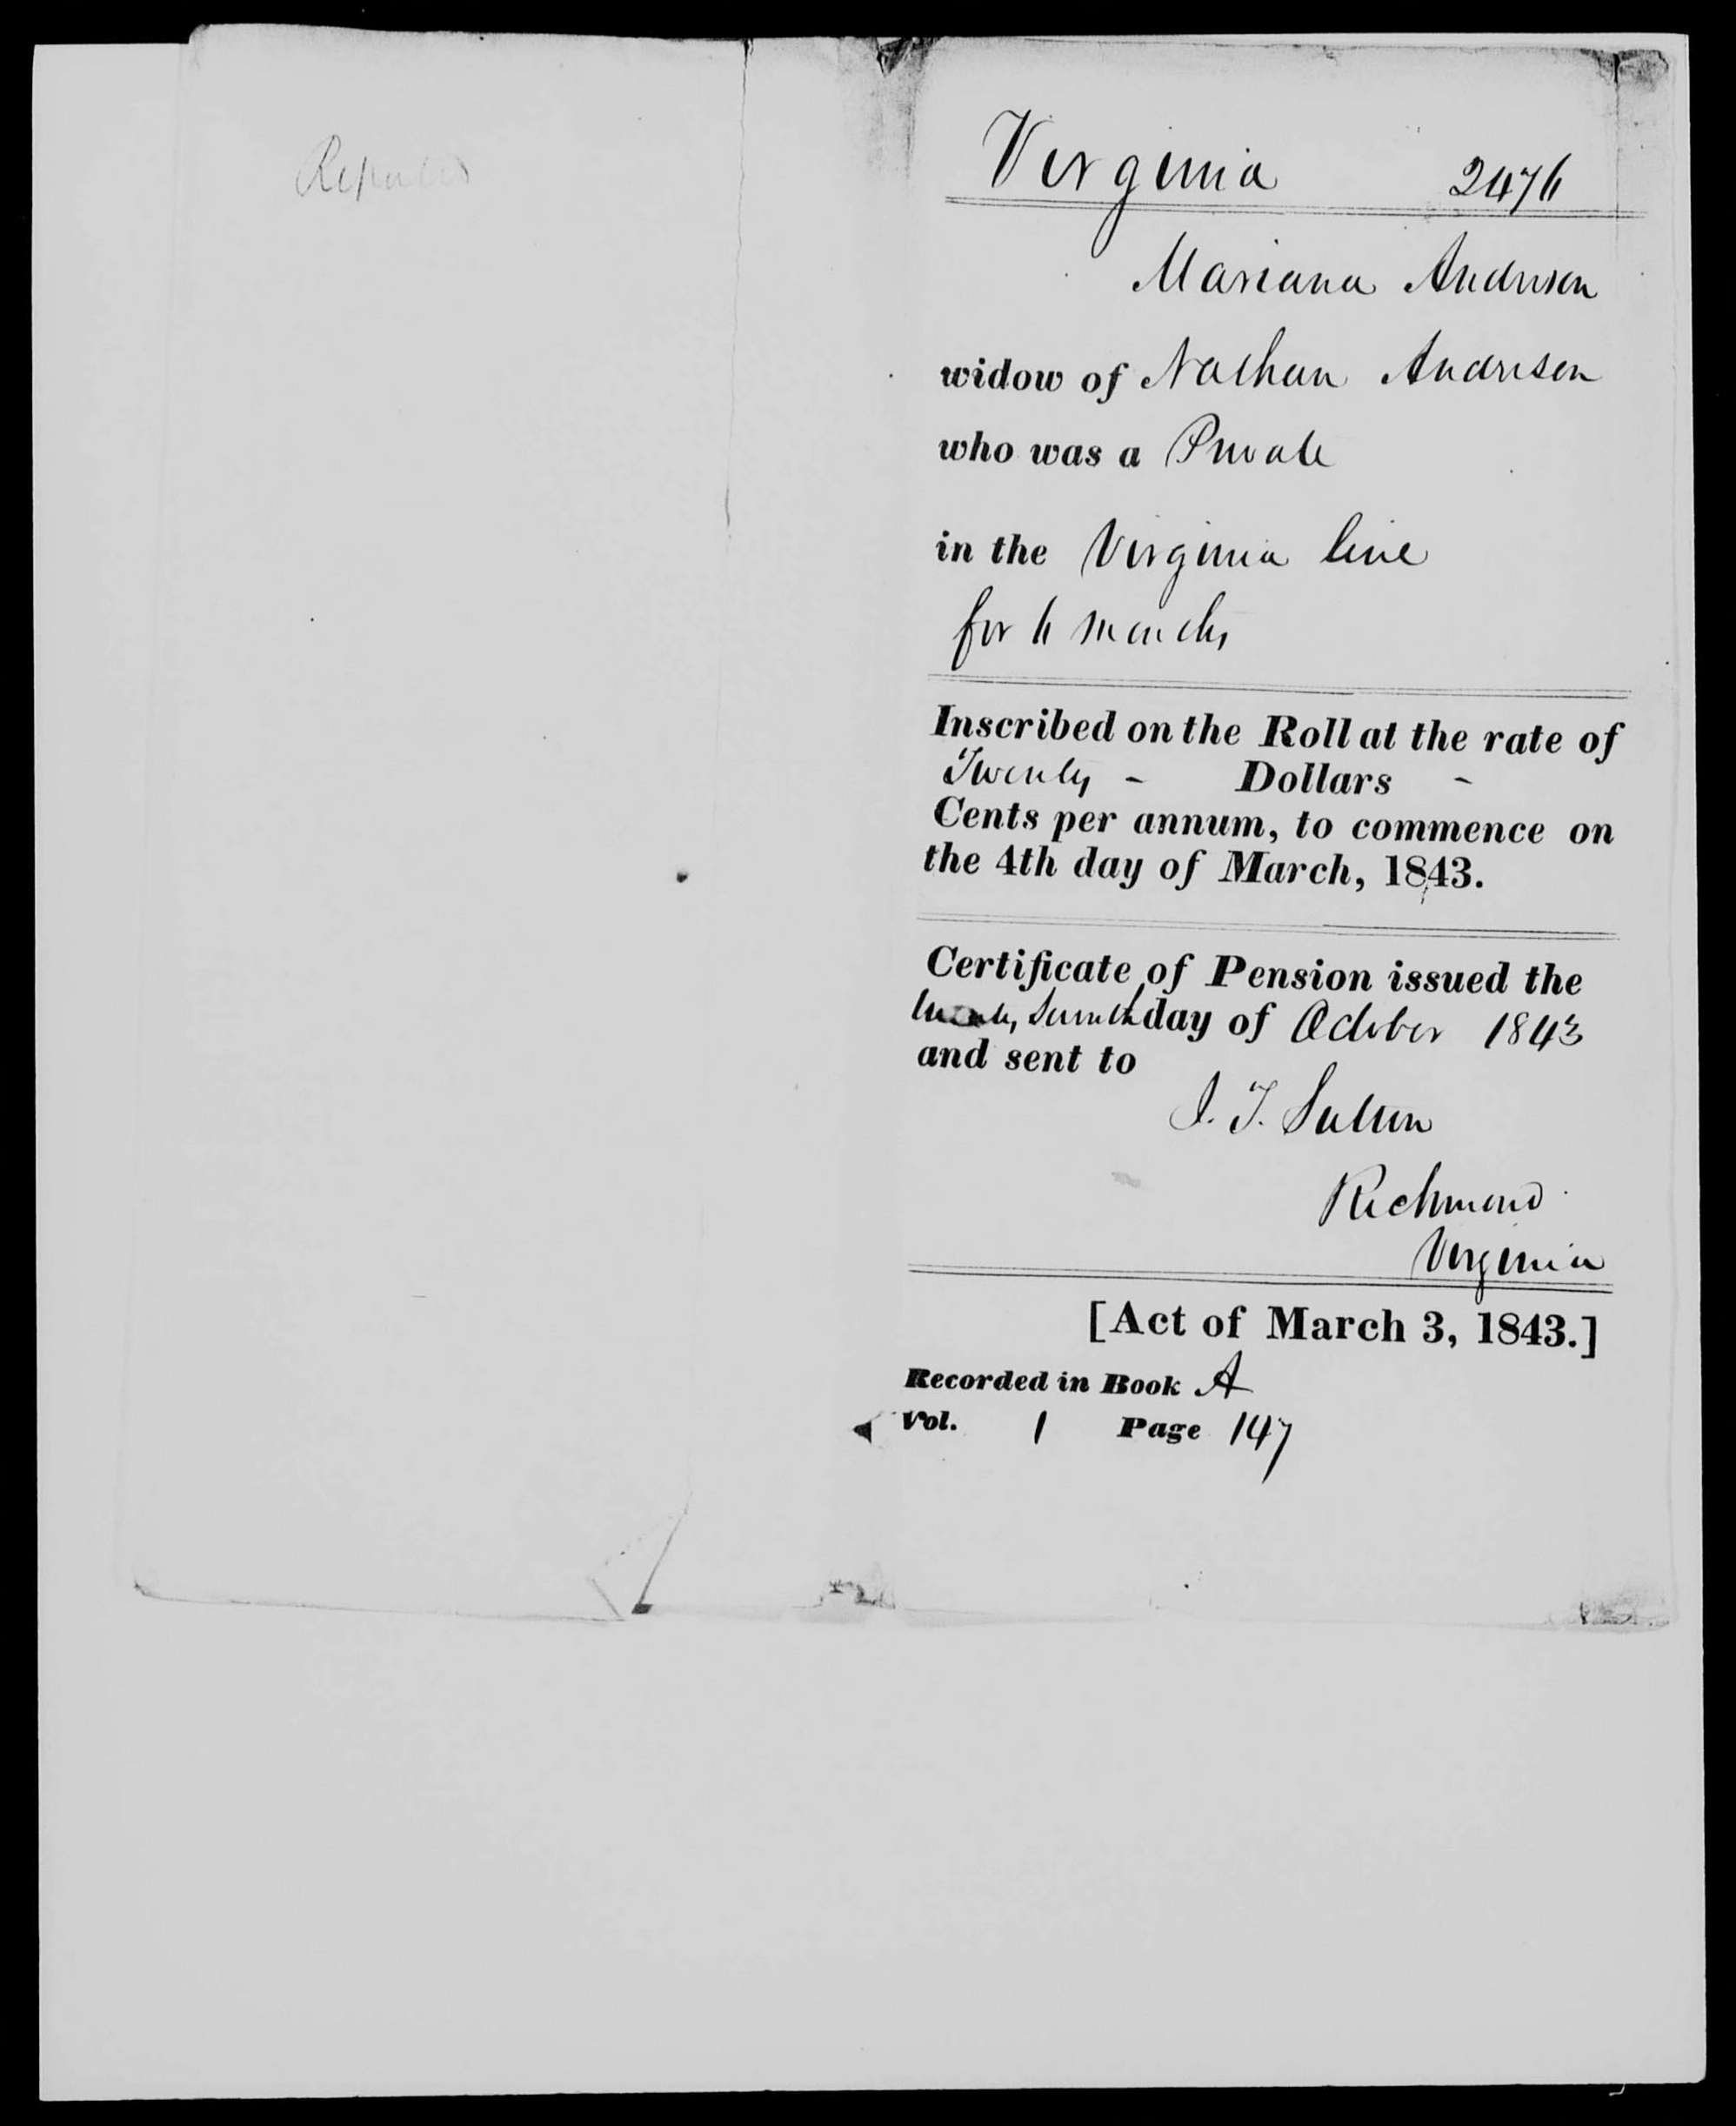Reported 

Virginia 2476
Mariana Anderson
widow of Nathan Anderson
who was a Private
in the Virginia line
for 6 months
Inscribed on the Roll at the rate of Twenty Dollars - Cents per annum, to commence on the 4th day of March, 1843.
Certificate of Pension issued the twenty seventh day of October 1843 and sent to
J. T. Sutton
Richmond
Virginia
Act of March 3, 1843.
Recorded in Book A
Vol. 1 Page 147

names: J T Sutton, Mariana Anderson, Nathan Anderson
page: 17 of 43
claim: widow's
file: W. 5,626, Nathan Anderson, Va.